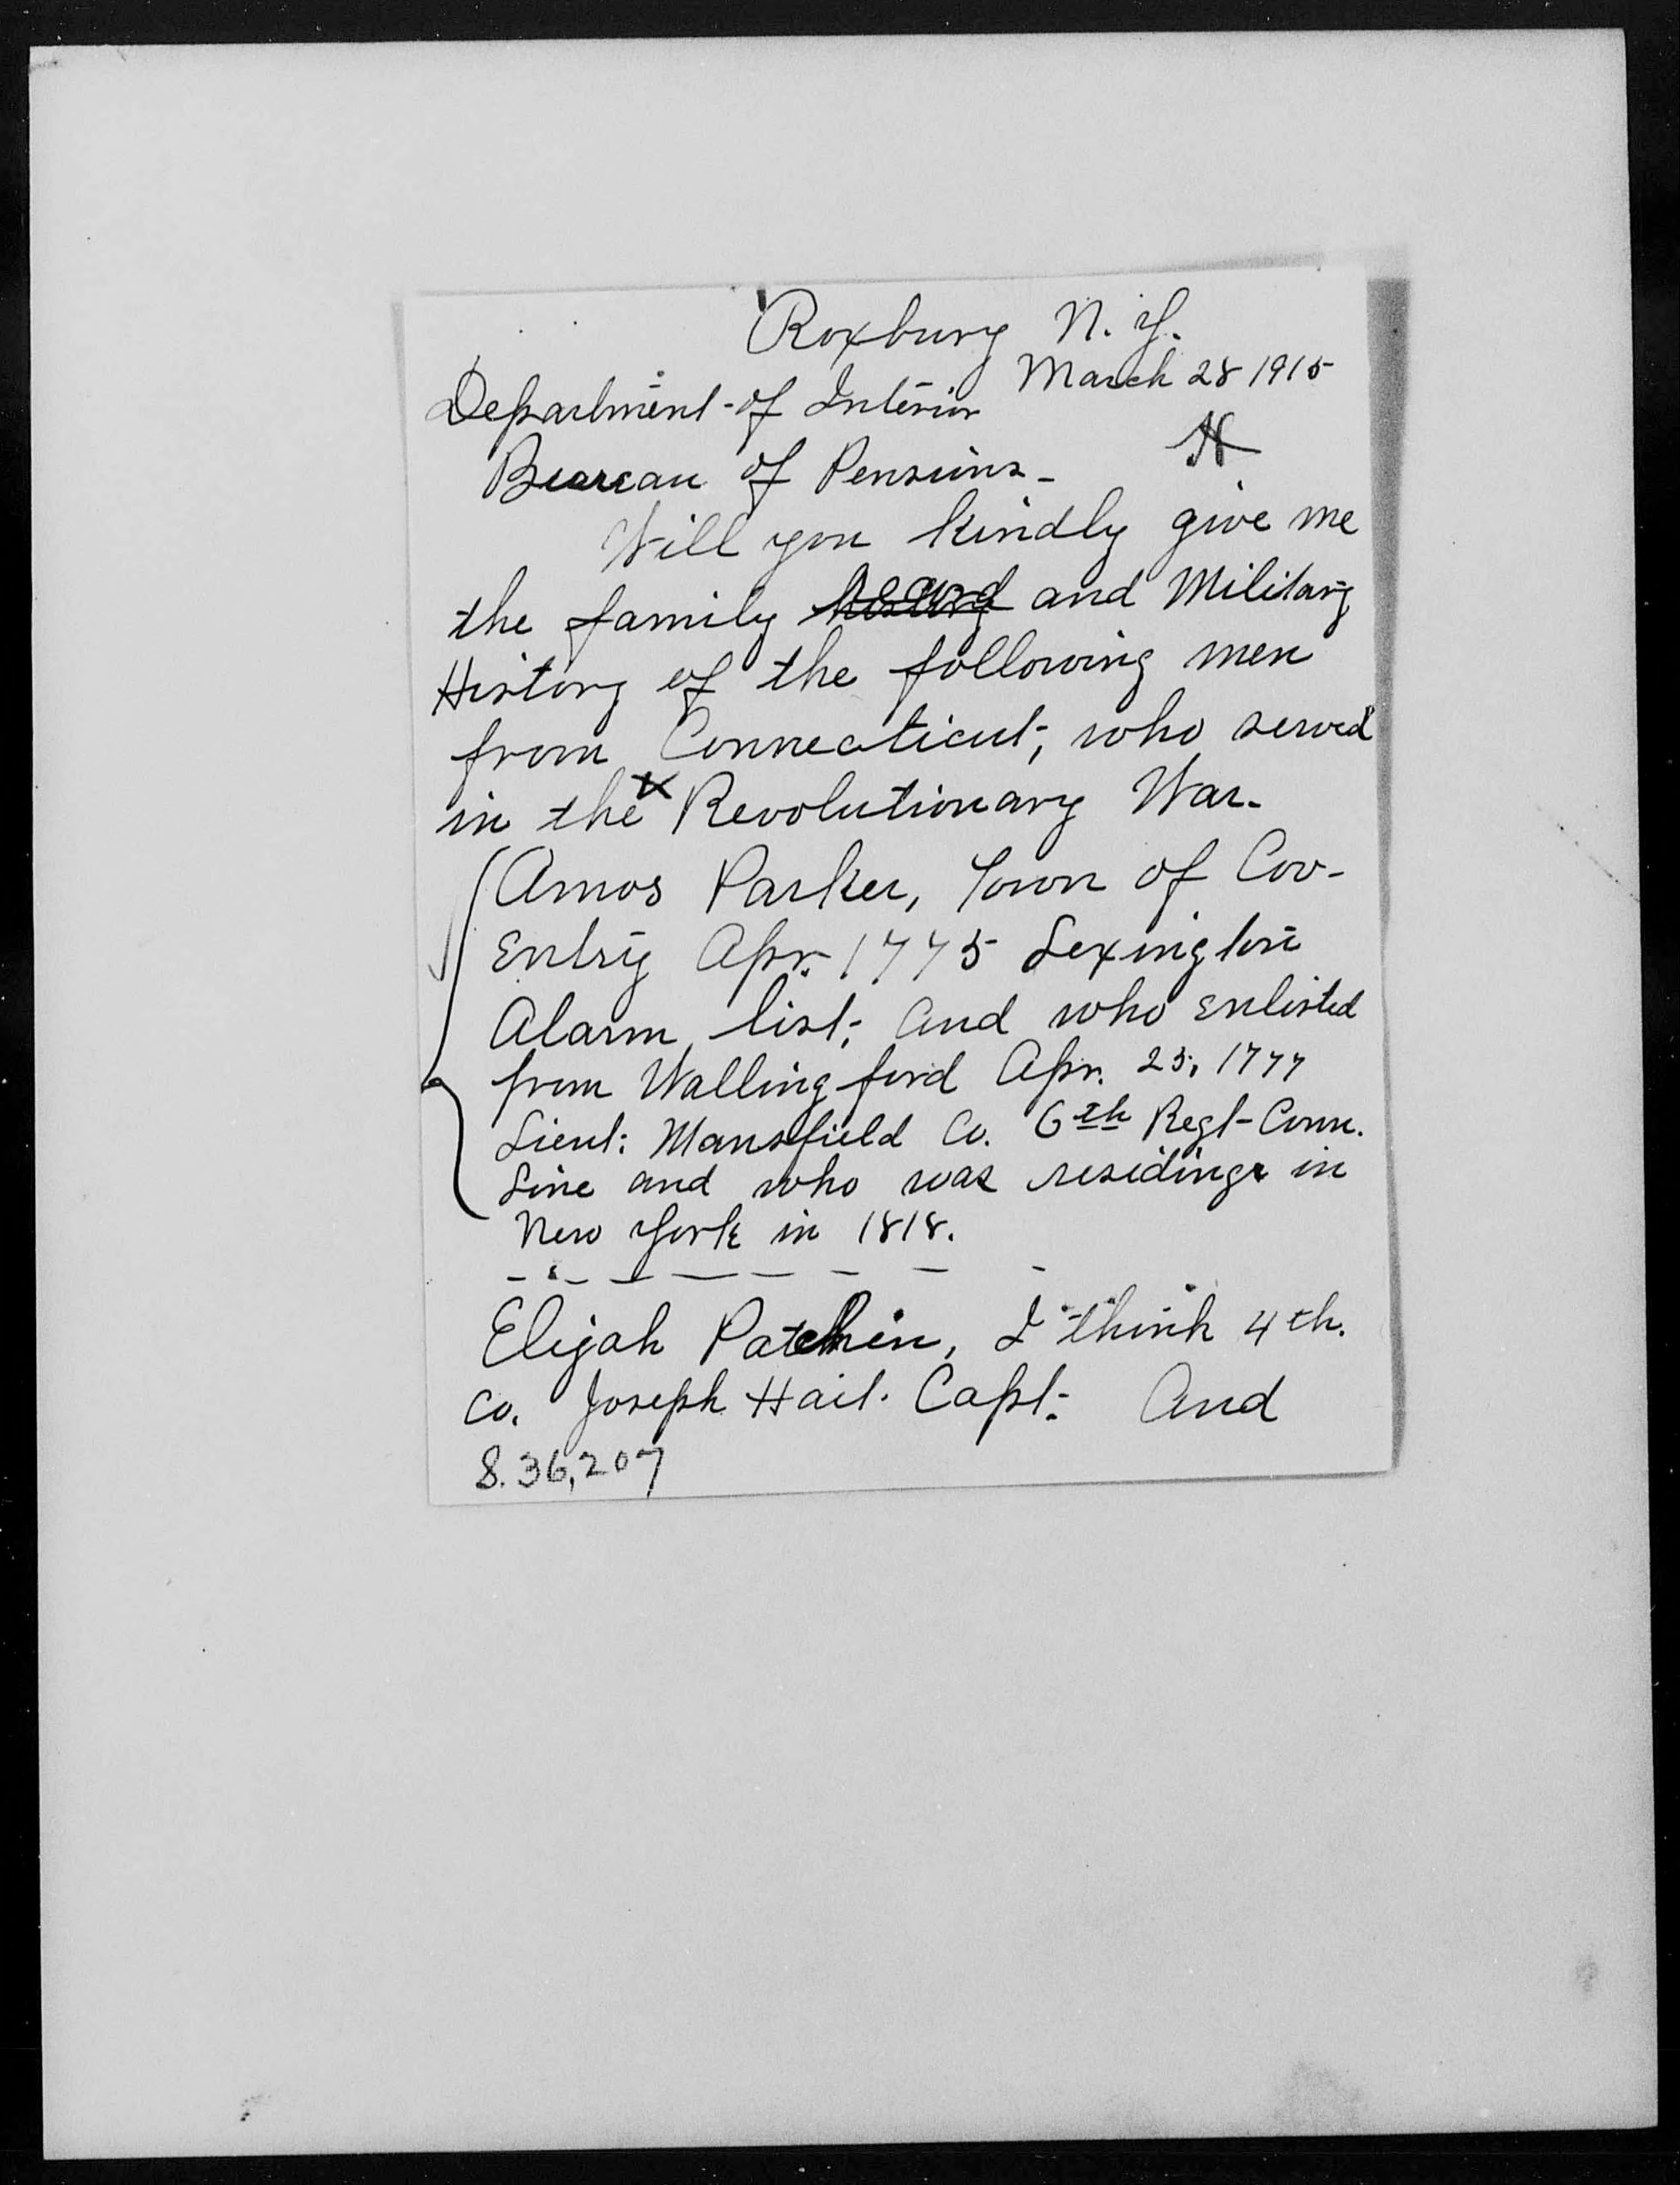Roxbury N. Y.
March 28 1915
Department of Interior
Bureau of Pensions
Will you kindly give me
the family and Military
History of the following men
from Connecticut, who served 
in the Revolutionary War
Amos Parker, Town of Coventry 
Apr. 1775 Lexington
alarm list, and who enlisted
from Wallingford Apr. 23, 1777
Lieut Mansfield Co. 6th Regt Conn
line and who was residing in
New York in 1818.
Elijah Patchin, I think 4th
Co. Joseph Hail Capt:  And
S.36,267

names: Elijah Patchin; Joseph Hail; Amos Parker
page: 22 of 31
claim: survivor's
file: S. 43766, for Amos Parker, Connecticut